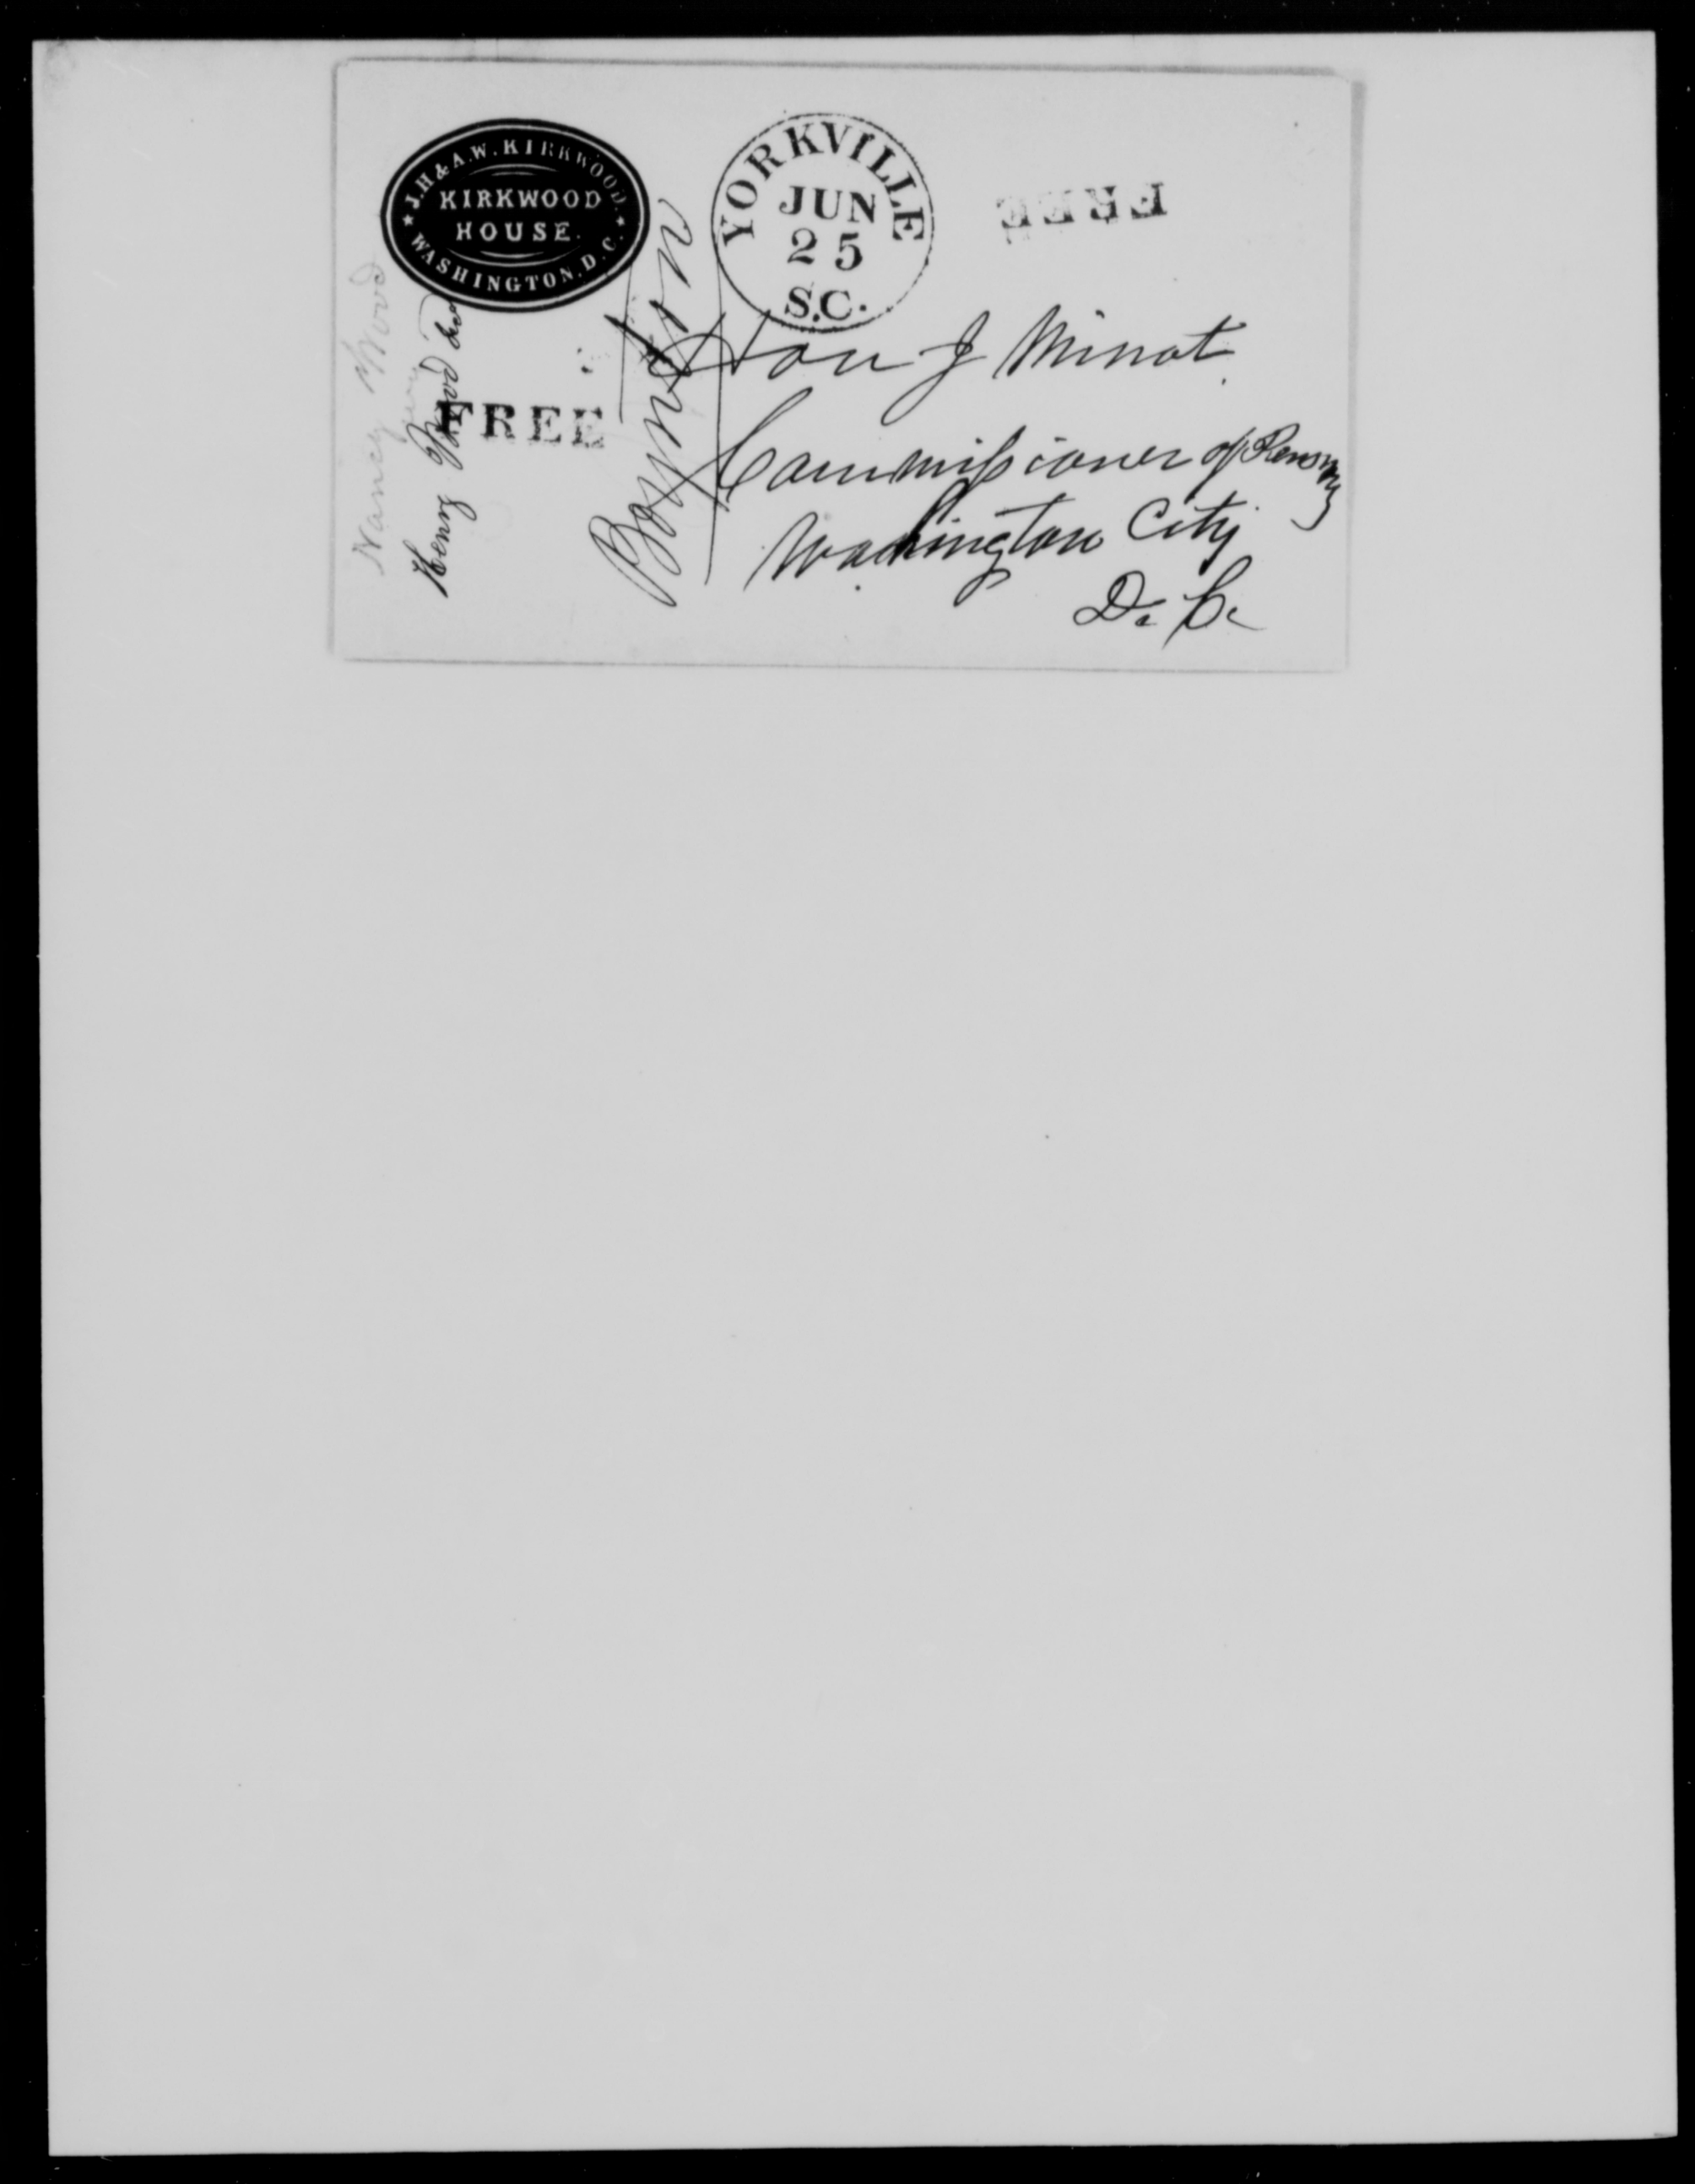Envelope marked "Kirkwood House J.H. & A.W. Kirkwood Washington, D.C."
USPO Stamp "Yorkville S.C. Jun 25"
"Free" stamped thereon
Addressed to Hon J Minot
Commissioner of Pensions
Washington City D.C.
Nancy Wood 
Henry Wood dec
Boynton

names: Nancy Wood, Henry Wood, J Minot, Boynton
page: 20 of 40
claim: rejected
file: R. 11785, Henry Wood, N. C.